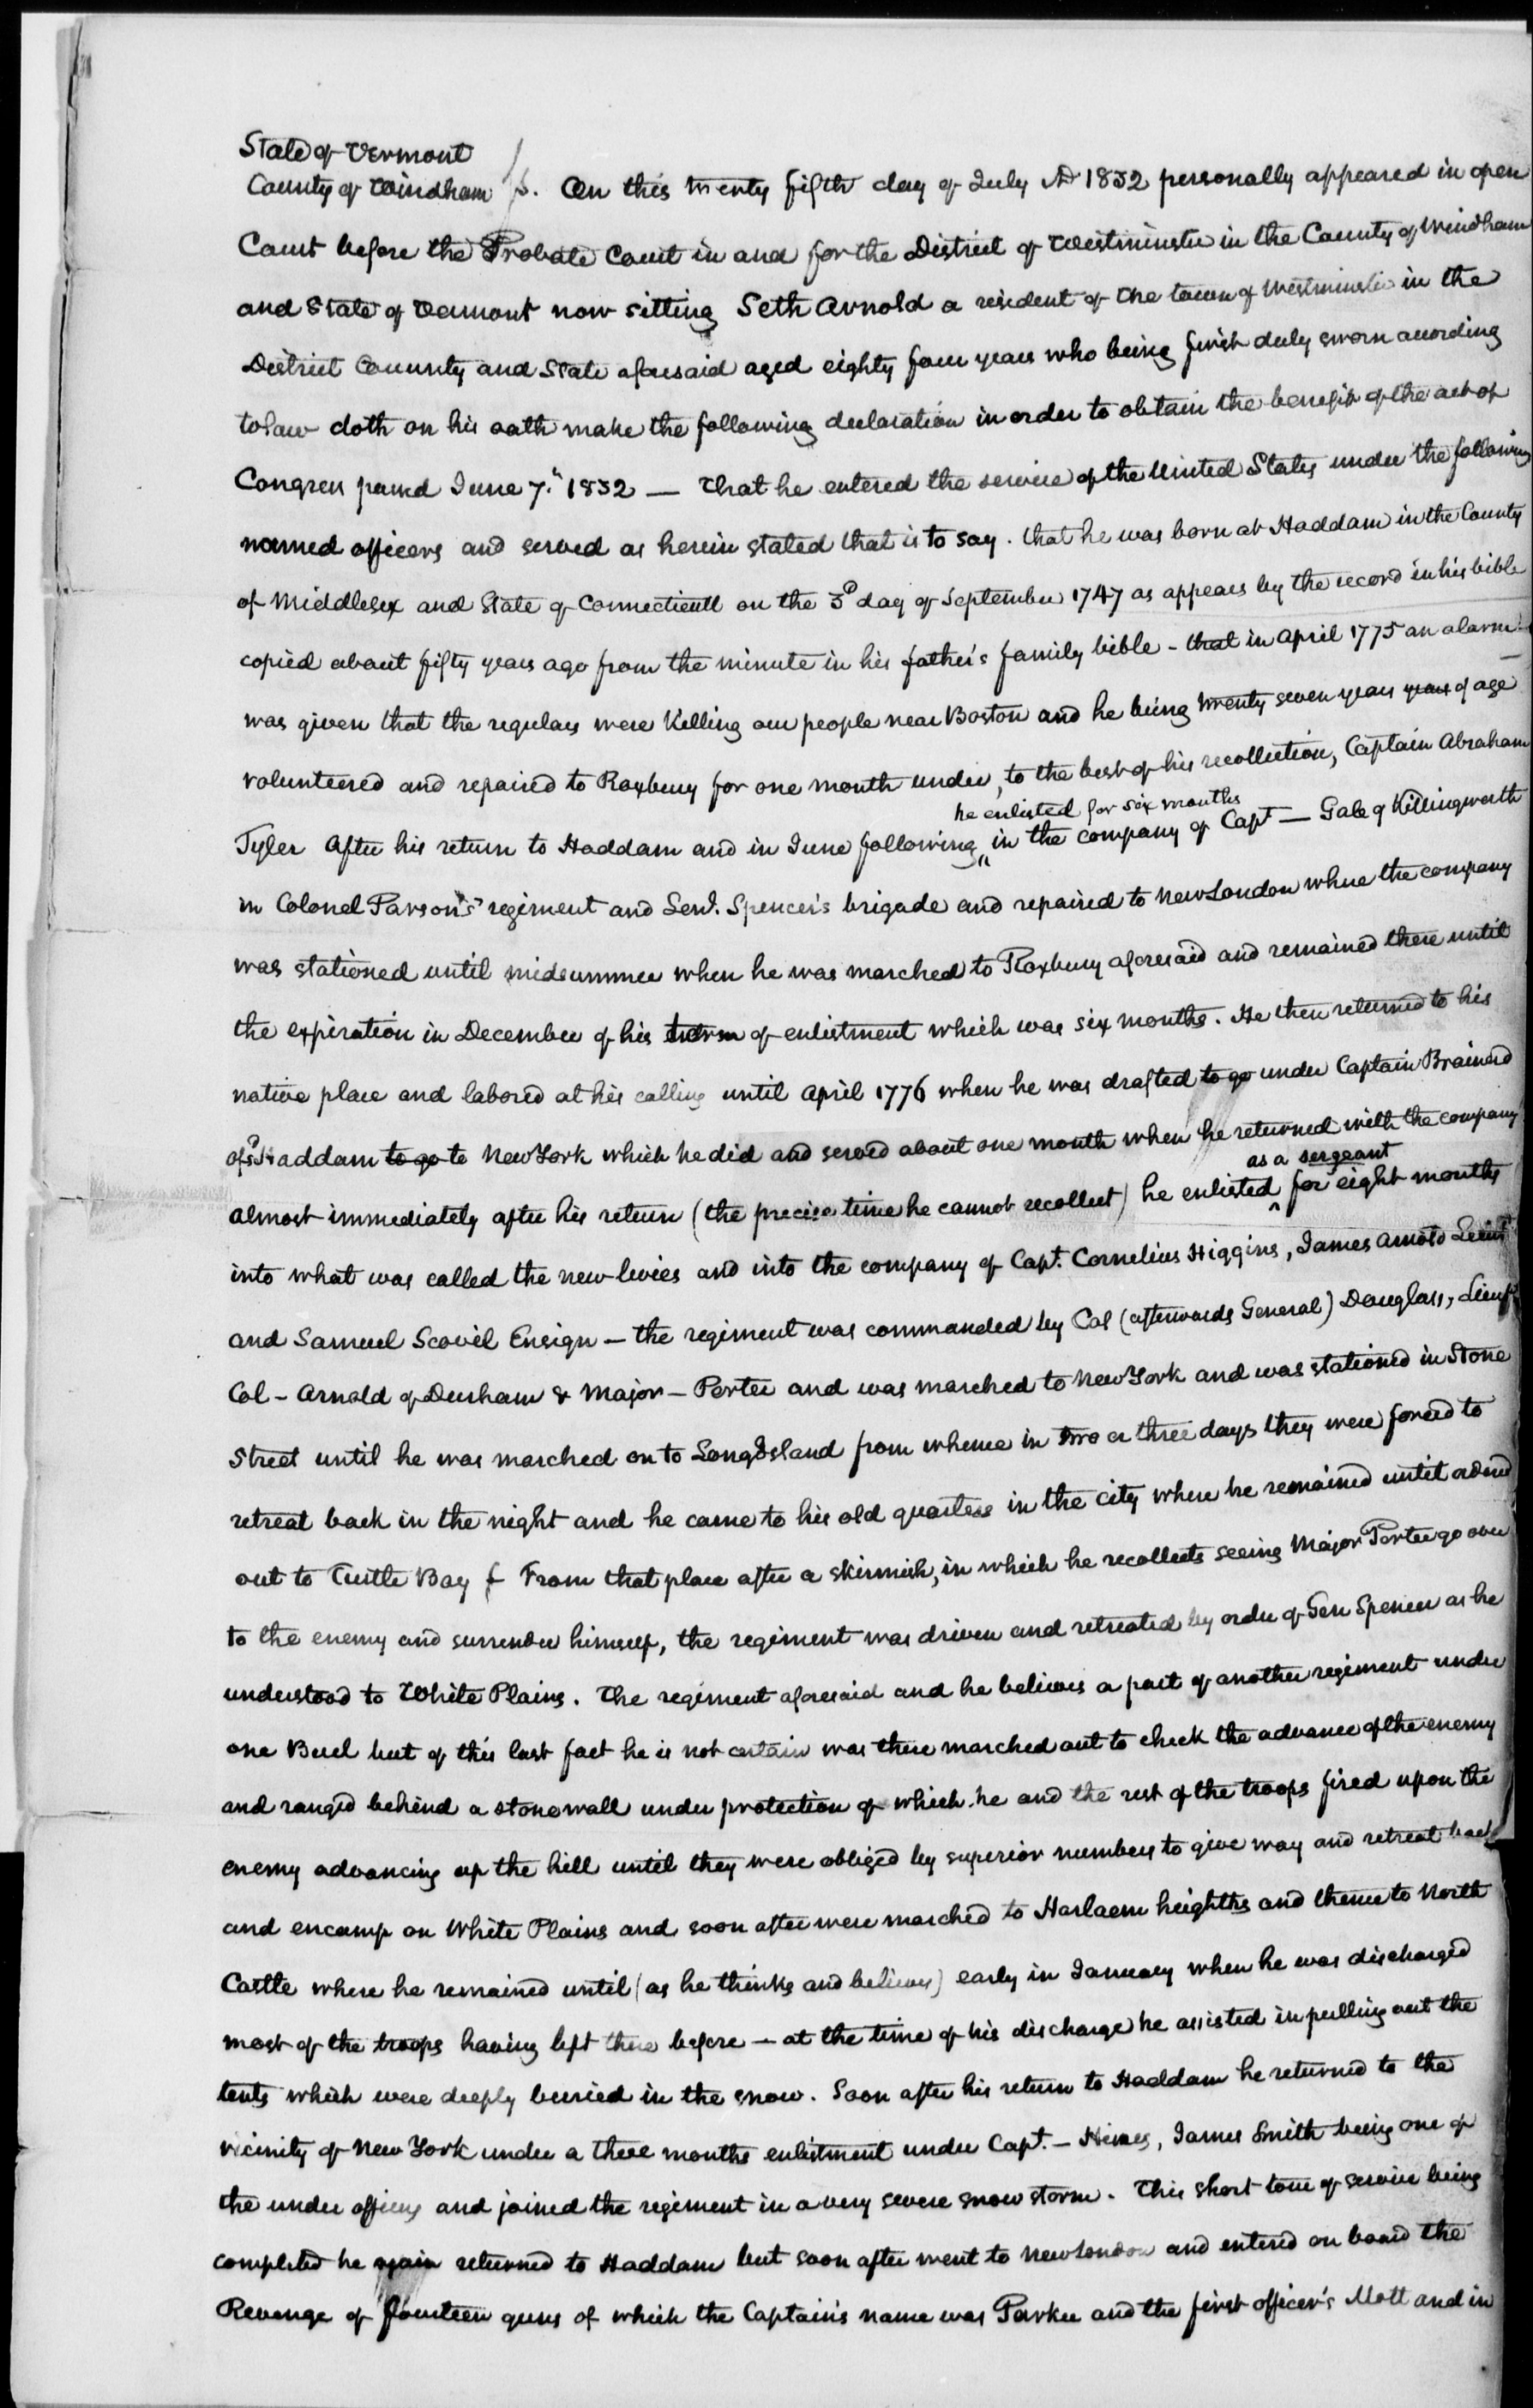State of Vermont
County of Windham
On this twenty fifth day of July AD 1832 personally appeared in open Court before the Probate Court in and for the District of Westminster in the County of Windham and State of Vermont now sitting Seth Arnold a resident of the town of Westminster in the District County and State aforesaid aged eighty four years who being first duly sworn according to law doth on his oath make the following declaration in order to obtain the benefit of the act of Congress passed June 7th 1832 -- that he entered the service of the United States under the following named officers and served as herein stated that is to say that he was born at Haddam in the County of Middlesex and state of Connecticutt on the 3rd day of September 1747 as appears by the record in his bible copied about fifty years ago from the minute in his father's family bible - that in April 1775 an alarm was given that the regulars were killing our people near Boston and he being twenty seven years of age volunteered and repaired to Roxbury for one month under, to the best of his recollection, Captain Abraham Tyler After his return to Haddam and in June following, he enlisted for six months, in the company of Capt. __ Gale of Killingworth in Colonel Parson's regiment and Sert. Spencer's brigade and repaired to New London where the company was stationed until midsummer when he was marched to Roxbury aforesaid and remained there until the expiration in December of his term of enlistment which was six months.  He then returned to his native place and labored at his calling until April 1776 when he was drafted to go under Captain Brainerd of Haddam to go to New York which he did and served about one month when he returned with the company Almost immediately after his return (the precise time he cannot recollect) he enlisted as a sergeant for eight months into what was called the new livies and into the company of Capt. Conelius Higgins, James Arnold Lieut and Samuel Scovil Ensign - the regiment was commanded by Col (afterwards General) Douglas,  Lieu Col Arnold of Dershaw and Major Porter and was marched to New York and was stationed in Stone Street until he was marched on to Long Island from where in the two or three days they were forced to retreat back in the night and he came to his old quarters in the city where he remained until adow out to Turtle Bay & from that place after a skirmish, in which he recollects seeing Major Porter go over to the enemy and surrender himself, the regiment was driven and retreated by order of Gen Spencer as he understood to White Plains.  Theregiment aforesaid and he believes a part of another regiment under one Buel but of this last fact he is not certain was there marched out to check the advance of the enemy and ranged behind a stonewall under protection of which he and he rest of the troops fired upon the enemy advancing up the hill until they were obliged by superior numbers to give way and retreat back and encamp on White Plains and soon after were marched to Harlaem Heights and thence to North Castle where he remained until (as he thinks and believes) early inJjanuary when he was discharged most of the troops having left there before - at the time of his discharge he assisted in pulling out the tents which were deeply buried in the snow.  Soon after his return to Haddam he returned to the vicinity of New york under a three months enlistment under Capt. Heines, James Smith being one of the under officers and joined the regiment in a very severe snow storm.  This short tour of service being completed he again returned to Haddam but soon after went to New London and entered on board The Revenge of fourteen guns of which the Captain's name was Parker and the first officers's Mott and in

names: Porter, Mott, Douglass, Cornelius Higgins, Abraham Tyler, Brainerd, Samuel Scovil, Parker, Heines, Seth Arnold, Porter, James Smith, Arnold, James Arnold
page: 3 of 9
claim: survivor's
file: S. 18690, Seth Arnold, Conn. Privateer